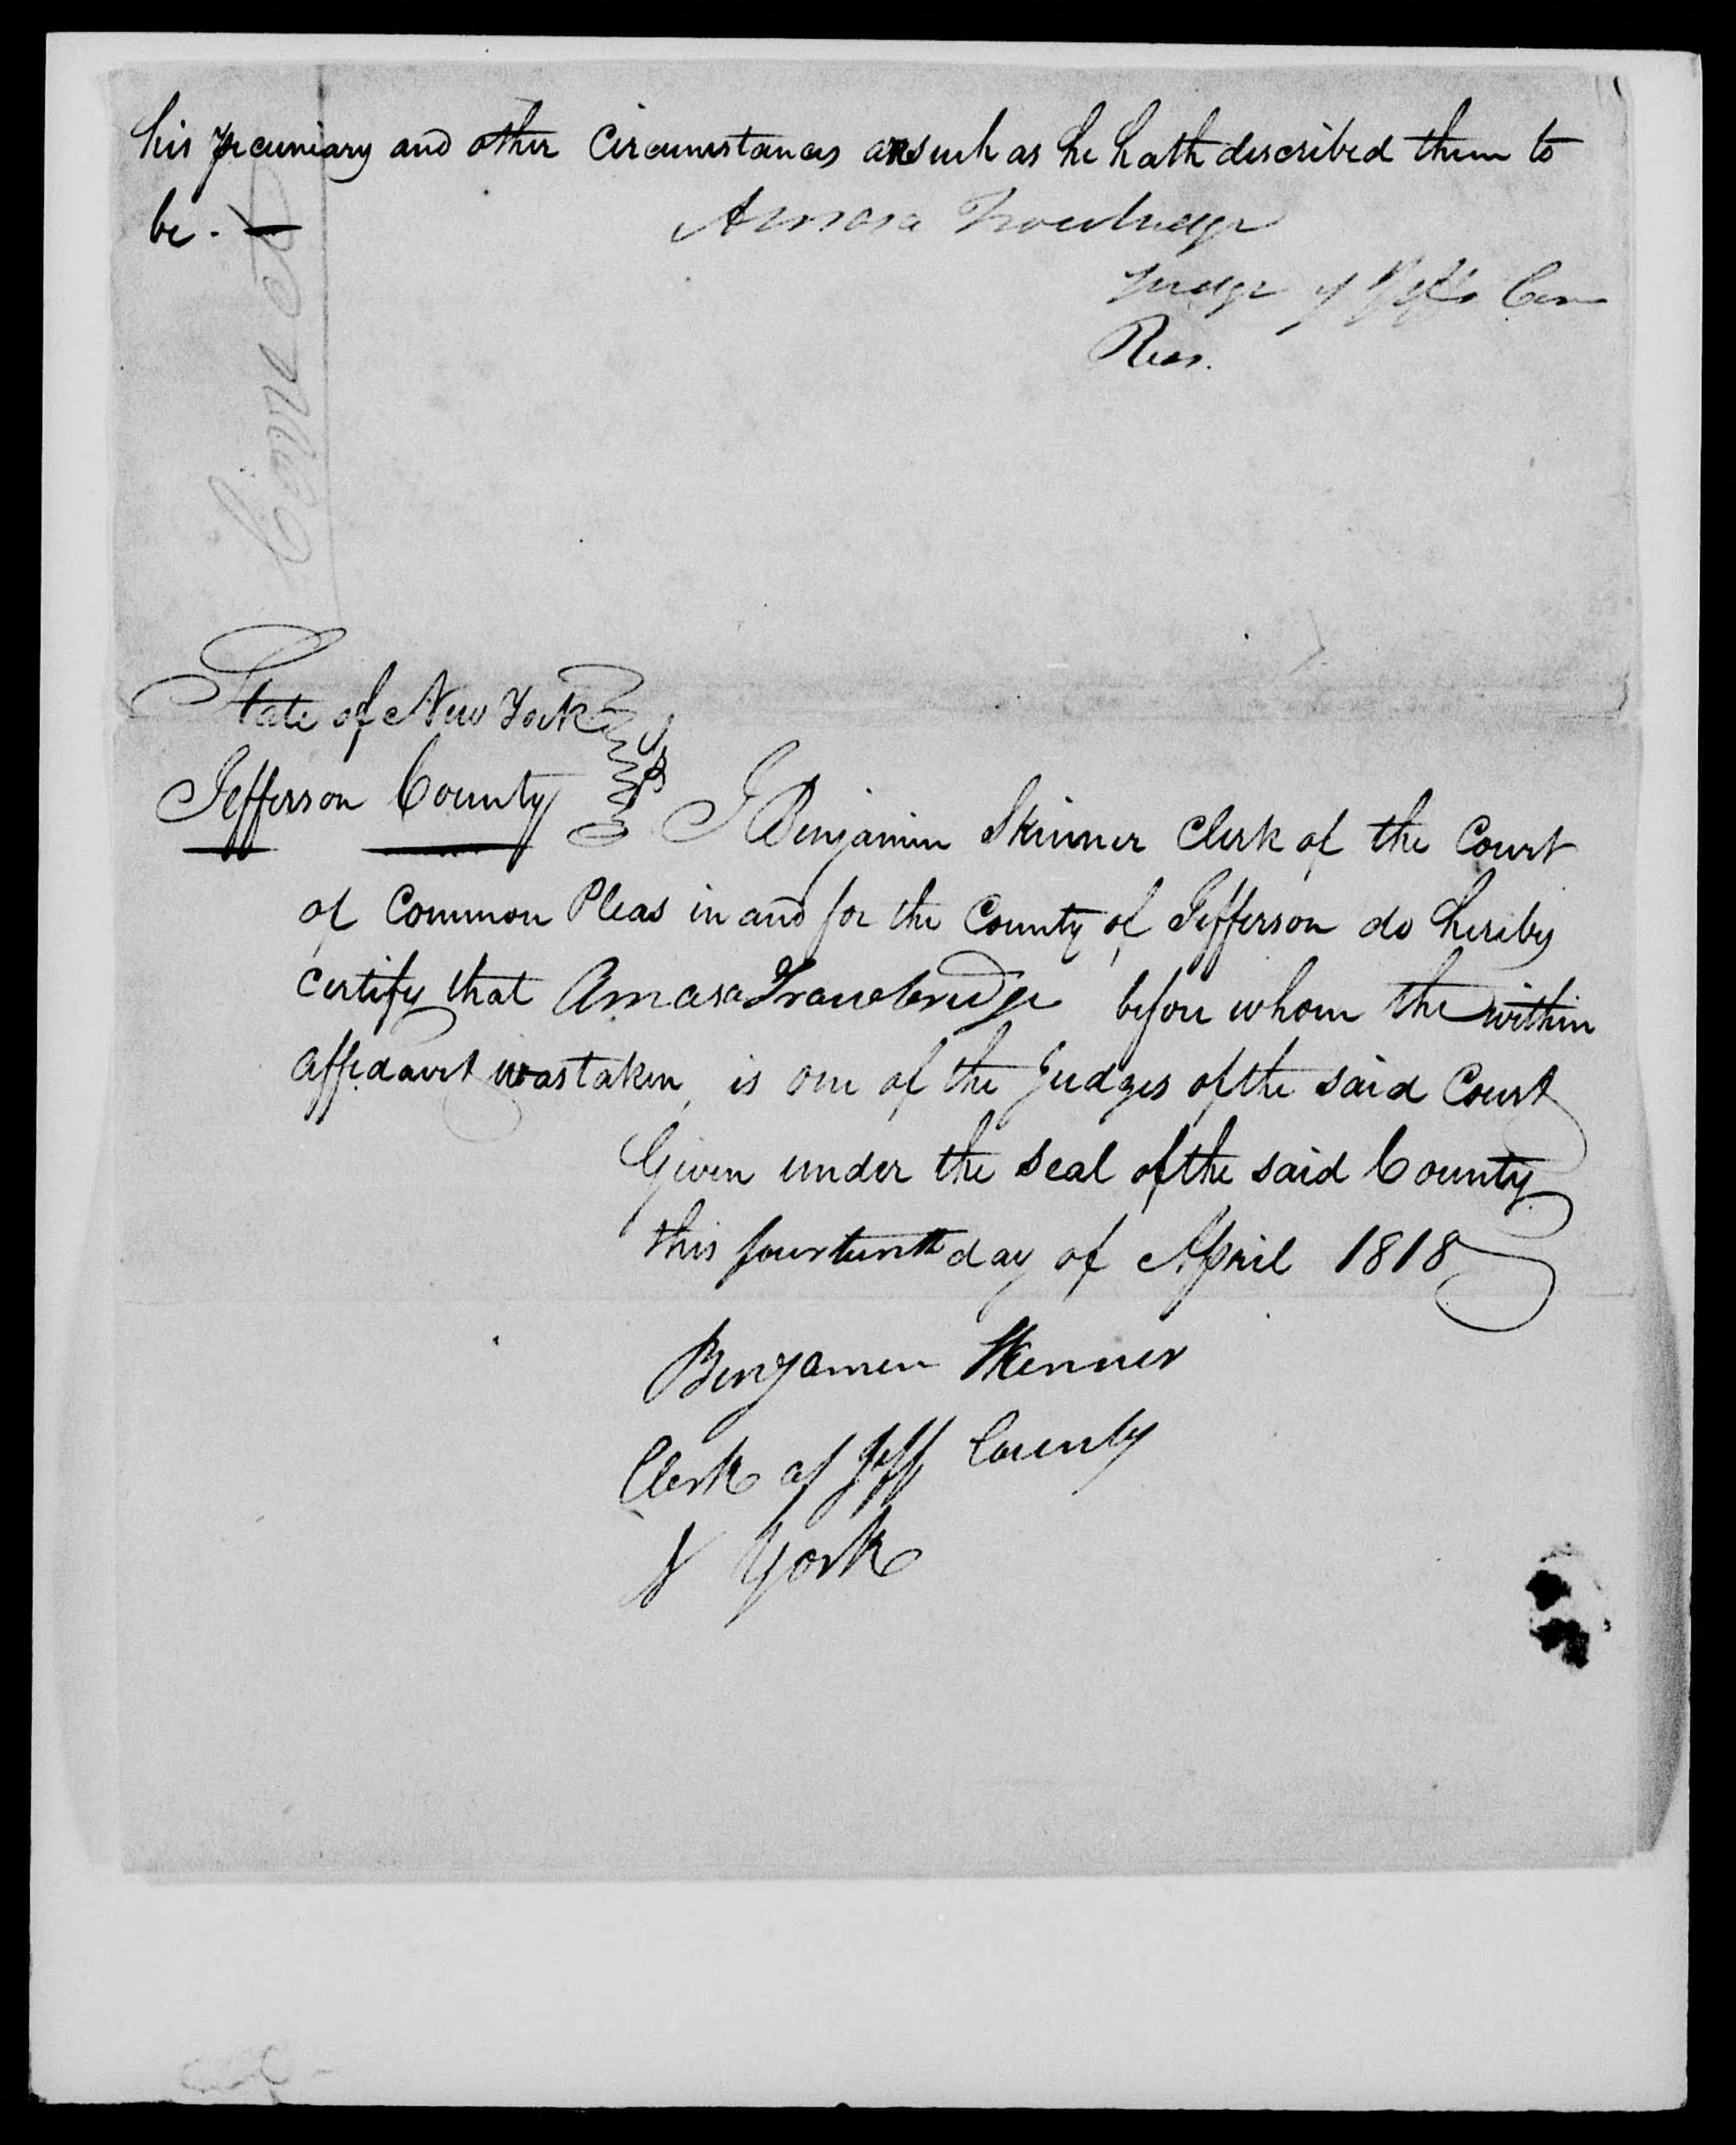State of New York
Jefferson County 
I, Benjamin Skinner clerk of the court of Common Pleas in and for the County of Jefferson do hereby certify that [illegible name] before whom the within affidavit was taken is one of the Judges of the said Court 
Given under the Seal of the said County
This fourteenth day of April
Benjamin [illegible last name]
Clerk of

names: Amasa Trowbridge, Benjamin Skinner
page: 8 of 38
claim: widow's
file: W. 23,381, Abner Hubbard, Continental Mass.